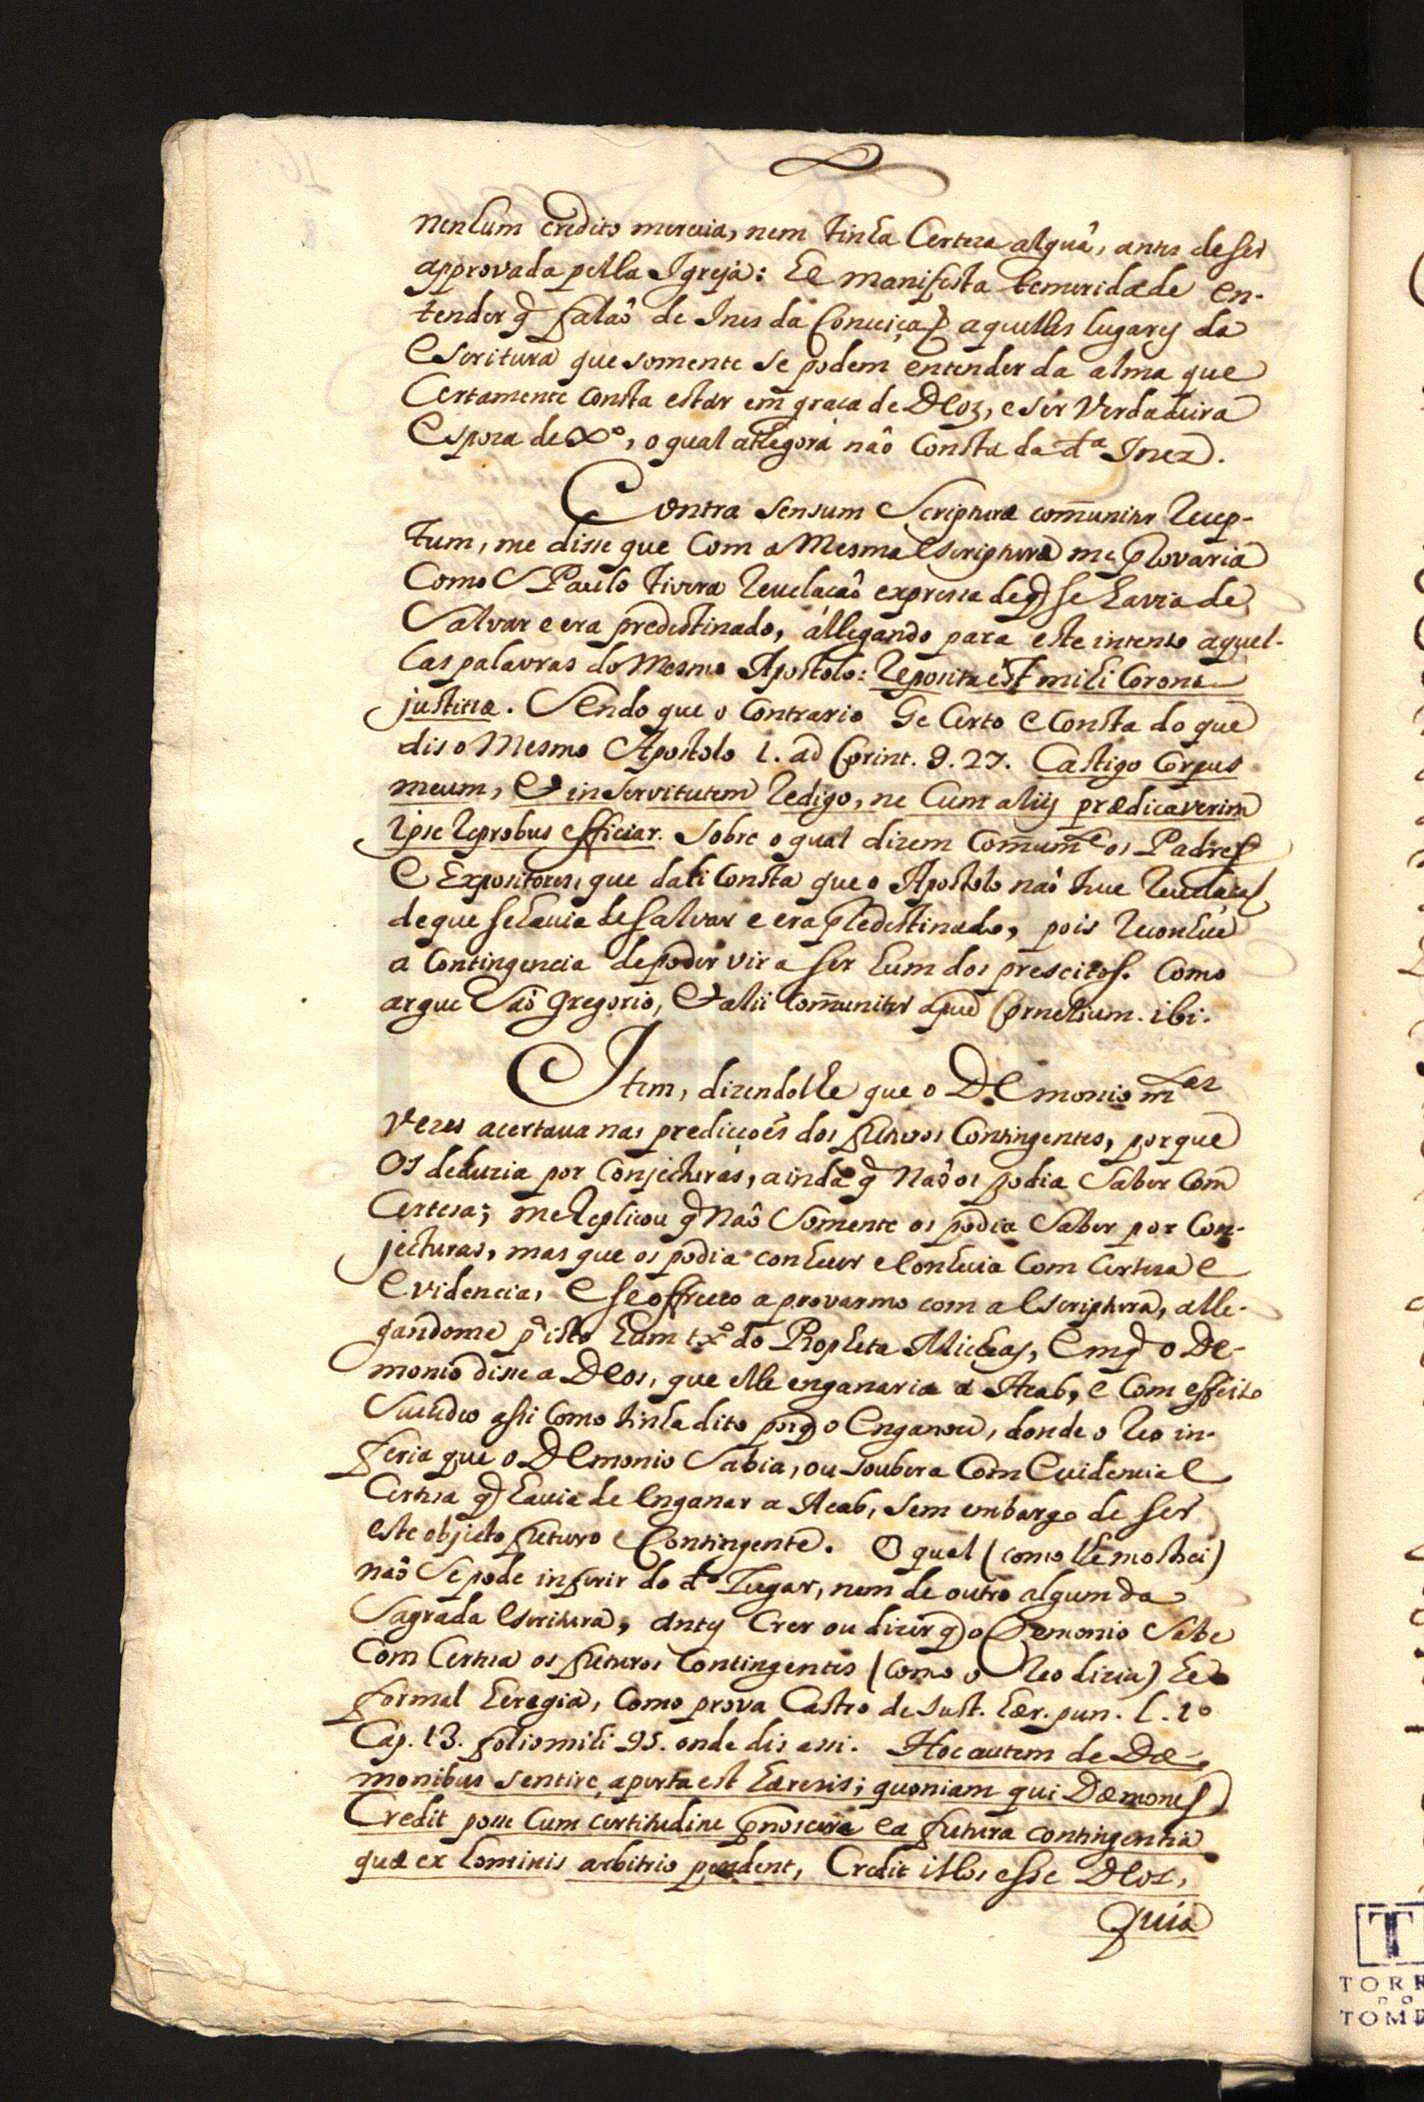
nenhum credito merecia, nem tinha Certeza alguā, antes de ser
approvada pella Igreja: he manifesta temeridade en
tender q̄ falaõ de Ines da Conceiçaõ aquelles lugares da
Escritura que somente se podem entender da alma que
Certamente consta estar em graça de Deoz, e ser Verdadeira
Espoza de Xo, o qual athegora naõ consta da d̄a Inez.
Contra sensum Scripturæ com̄unitur Recep
tum, me disse que com a mesma Escriptura me provaria
Como S Paulo tivera Reuelaçaõ expressa de q̄ se havia de
Salvar e era predestinado, allegando para este intento aquel
las palavras do mesmo Apostolo: Reposita est mihi Corona
justissæ. Sendo que o Contrario he certo e consta do que
dis o mesmo Apostolo 1. ad Corint. 9. 27. Castigo Corpus
meum, & in servitutem Redigo, ne Cum aliis prædicaverim
Ipse Reprobus efficiar Sobre o qual dizem com̄umte os Padres
e Expositores, que dali consta que o Apostolo naõ teue Reuelaçaõ
de que se hauia de salvar e era pRedestinado, pois Reconhece
a contingencia de poder vir a ser hum dos prescitos. Como
argue Saõ Gregorio, & alii com̄uniter apud Cornelium. ibi.
Item, dizendolhe que o Demonio mtaz
vezes acertaua nas predicçoẽs dos funeros Contingentes, porque
Os deduzia por conjecturas, ainda q̄ naõ os podia Saber Com
Certesa; me Replicou q̄ naõ Somente os podia Saber por Con
jecturas, mas que os podia conhecer e conhecia com certeza e
Evidencia, E se offreceo aprovarmo com a Escriptura, alle
gandome pa isto hum txo do Propheta Micheas, Em q̄ o De
monio disse a Deos, que elle enganaria a Acab, e com effeito
Succedeo assi como tinha dito porq̄ o Enganou, donde o Reo in
feria que o Demonio Sabia, ou soubera Com Euidencia E
Certesa q̄ hauia de enganar a Acab, sem embargo de ser
este objecto futuro e Contingente. O qual (como lhe mostrei)
naõ Se pode inferir do d̄o Lugar, nem de outro algum da
Sagrada escritura, antes Crer ou dizer q̄ o Demonio Sabe
Com Certesa os futuros Contingentes (como o Reo dizia) he
formal heregia, como prova Castro de Iust. hær. pun. l. 1o
Cap. 13. folio mihi 95. onde dis assi. Hoc autem de Dæ
monibus sentire, aperta est hæresis; quoniam qui Dæmones
Credit posse cum certitudine p̄ noscere ea futura contingentia
quæ ex hominis arbitrio pendent, Credit illos esse Deoz
Quia
